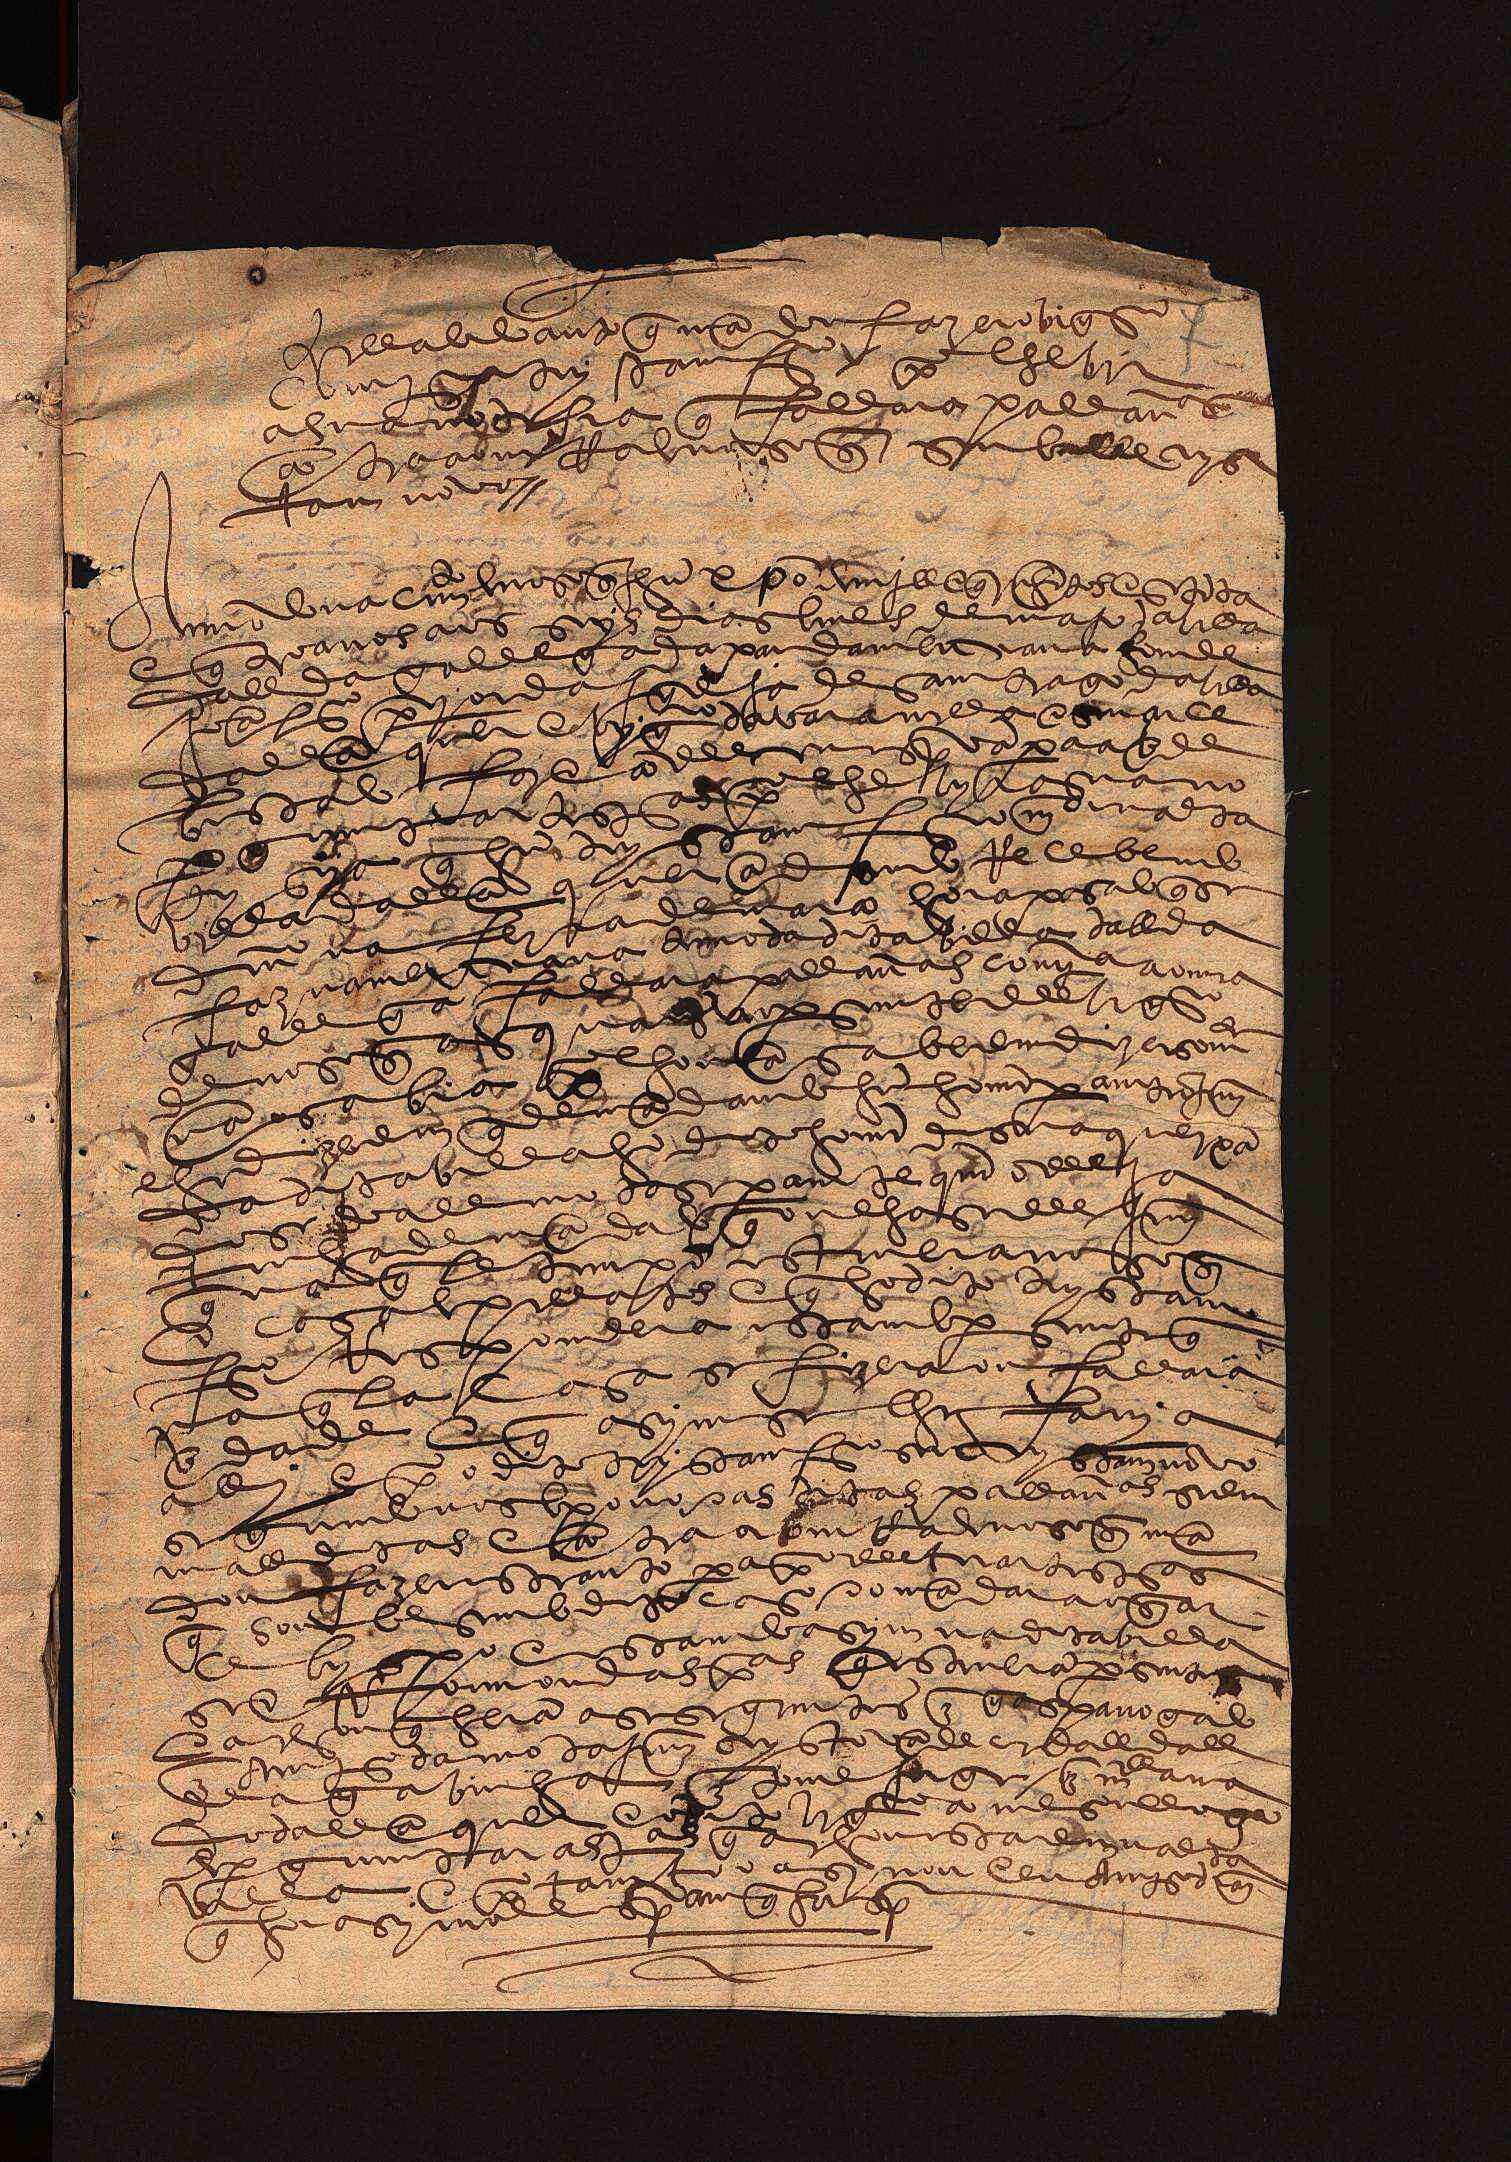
trellado do auto q̄ mādou fazer o vigro
comtra trystam frco p̄o lhe vjr
a sua notisia q̄ fallara pallauras
cōtra a omRa de noso s̄r sendo elle crys
tam novo//
Anno do nacimeto de noso s̄ Jhū xpō de mjll e q̄jnhētos e setēta
e q̄tro anos aos seys dias do mes de majo ē a villa
dallda gallega da par da merceana honde
Joā Lço prjor da Jgreja de samtiago da villa
dallāquer e vygro da vara nella e seu arce
bistado foj e cō elle eu esp̄vā ꝑa aꝟ de
ꝑgumtar testas p̄o lhe vyr a sua no
tysya q̄ hū trystam frco mor na dita
vjlla dallāquer ādando Recebendo
dinro na fejra de março hora pasado q̄ se
faz na merceana termo da dita villa dallda
gallega fallara pallauras comtra a omra
de noso s̄r as quaes ao ꝑsemte elle vigro
nā sabia p̄o lho nā saberem dizer somte
lhe dizerem q̄ demādando hū homē ꝑamte o Juiz
da dita villa ho dito homē disera quejxā
dose do allmotase ꝑamte quē o elle Ja
tinha demādado q̄ oulhase elle Juiz
q̄ naq̄le tempo estiuera noso s̄r
ē casa pillatos e q̄ ho dito trystam
frco Respondera estando ꝑsemte q̄
naq̄la casa se fizera ou fallara
ꝟdade e q̄ asym se lhe farya
allj e p̄o o dito trystam frco ser crystam novo
segundo uos do pouo e as ditas pallauras serem
mallditas e cōtra a omRa de noso s̄r mā
dou fazer este auto ꝑa p̄o elle tirar testas
q̄ soubesem do dito caso e o mādar ao s̄r ar
cebyspo e estando asym na dita villa
se ēfformou das pas q̄ estiuerā ꝑsentes
e achou q̄ herā as segimtes item gaspa uogado
item Amto da mota Juiz crystovā de cidade dall
dea gavinha item tome Jorge / item mell ama
do dallāquer e o dito vigro comesou llogo
de ꝑgumtar as tas q̄ achou estarem na dita
villa e p̄o tamto o asjnou e eu Amto diaz
q̄ hora syruo de esp̄vam q̄ ho esp̄
